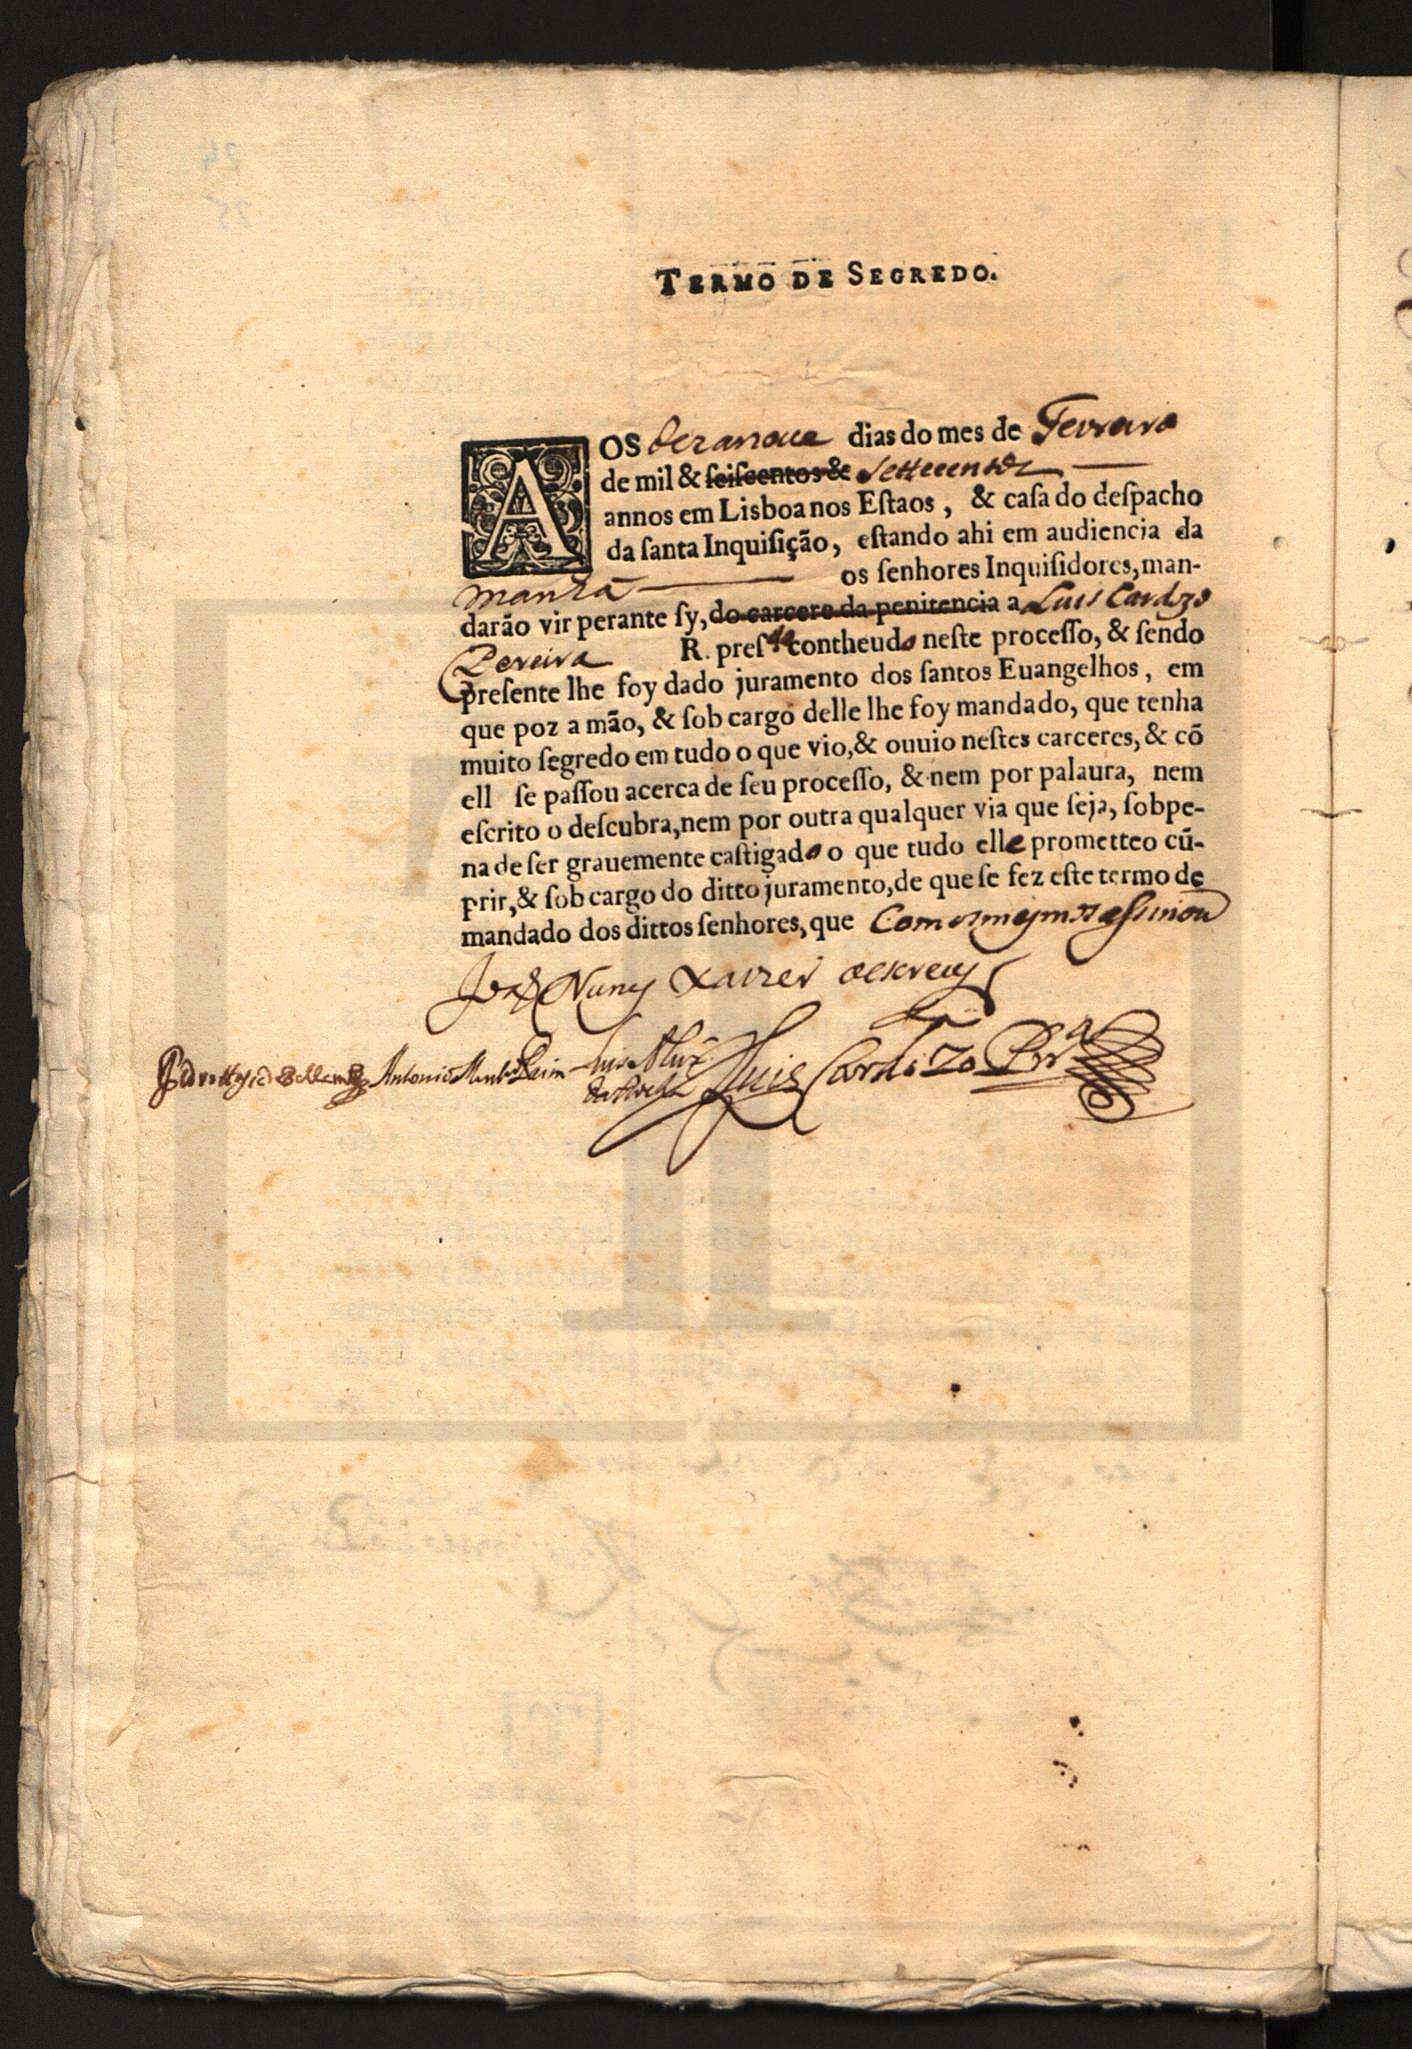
TERMO DE SEGREDO.
AOS dezanoue dias do mes de Fevreiro
de mil & seiscentos & settecentoz
annos em Lisboa nos Estaos, & casa do despacho
da santa Inquisição, estando ahi em audiencia da
manhã ‒ os senhores Inquisidores, man
darão vir perante sy, do carcere da penitencia a Luis Cardozo
Pereira R. presso contheudo neste processo, & sendo
presente lhe foy dado juramento dos santos Euangelhos, em
que poz a mão, sob cargo delle lhe foy mandado, que tenha
muito segredo em tudo o que vio, & ouuio nestes carceres, & cō
ell se passou acerca de seu processo, & nem por palaura, nem
escrito o descubra, nem por outra qualquer via que seja, sob pe
na de ser grauemente castigado o que tudo elle prometteo cū
prir, & sob cargo do ditto juramento, de que se fez este termo de
mandado dos dittos senhores, que com os mesmos assinou
Joaõ Nunes Xavier o escreuj
